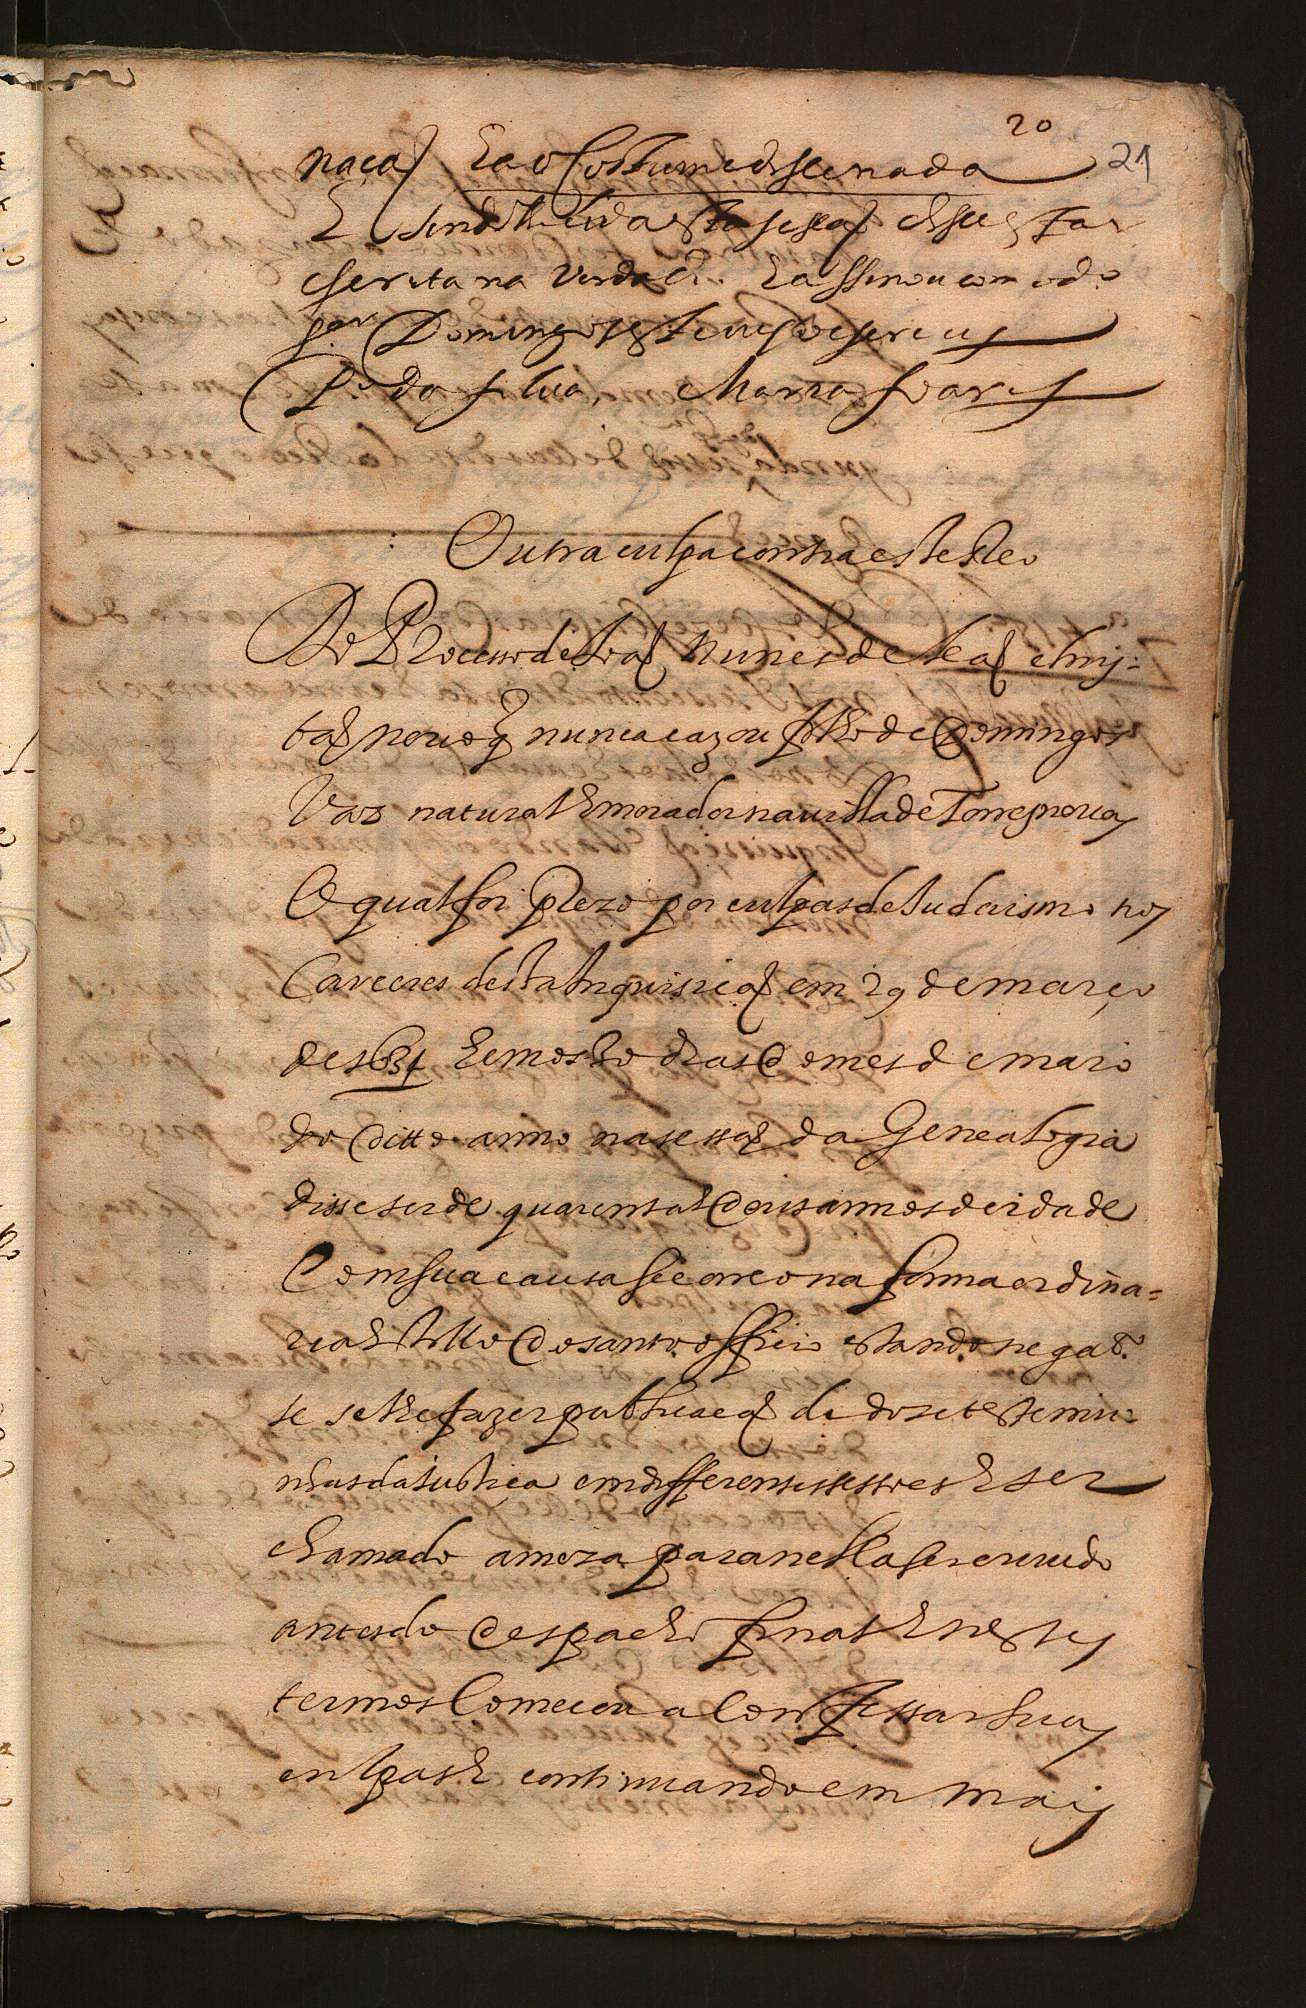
naçaõ E ao Costume disse nada
E sendo lida a esta sessaõ disse estar
escrita na verdade E assinou com o d.o
S.or Domingos steues o escreuj
P.o da silua. Maria Soares
Outra culpa contra este Reo
Do Processo de Joaõ nunes de Leaõ chris
taõ nouo q̄ nunca cazou filho de Domingos
Vaz natural E morador na uilla de Torres nouas
O qual foi prezo por culpas de Judaismo nos
Carceres desta Inquisiçaõ em 29 de março
de 1634 E em os 30 dias do mes de maio
do ditto anno na sessaõ da Genealogia
disse ser de quarenta e dous annos de idade
Com sua causa se correo na forma ordina
ria E estillo do santo officio estando negat.o
se se lhe fazer publicaçaõ de doze testemu
nhas da iustiça em differentes sessoes E ser
chamado a meza para nella ser ouuido
antes do despacho final E nestes
termos começou a confessar suas
culpas E continuando em mais
